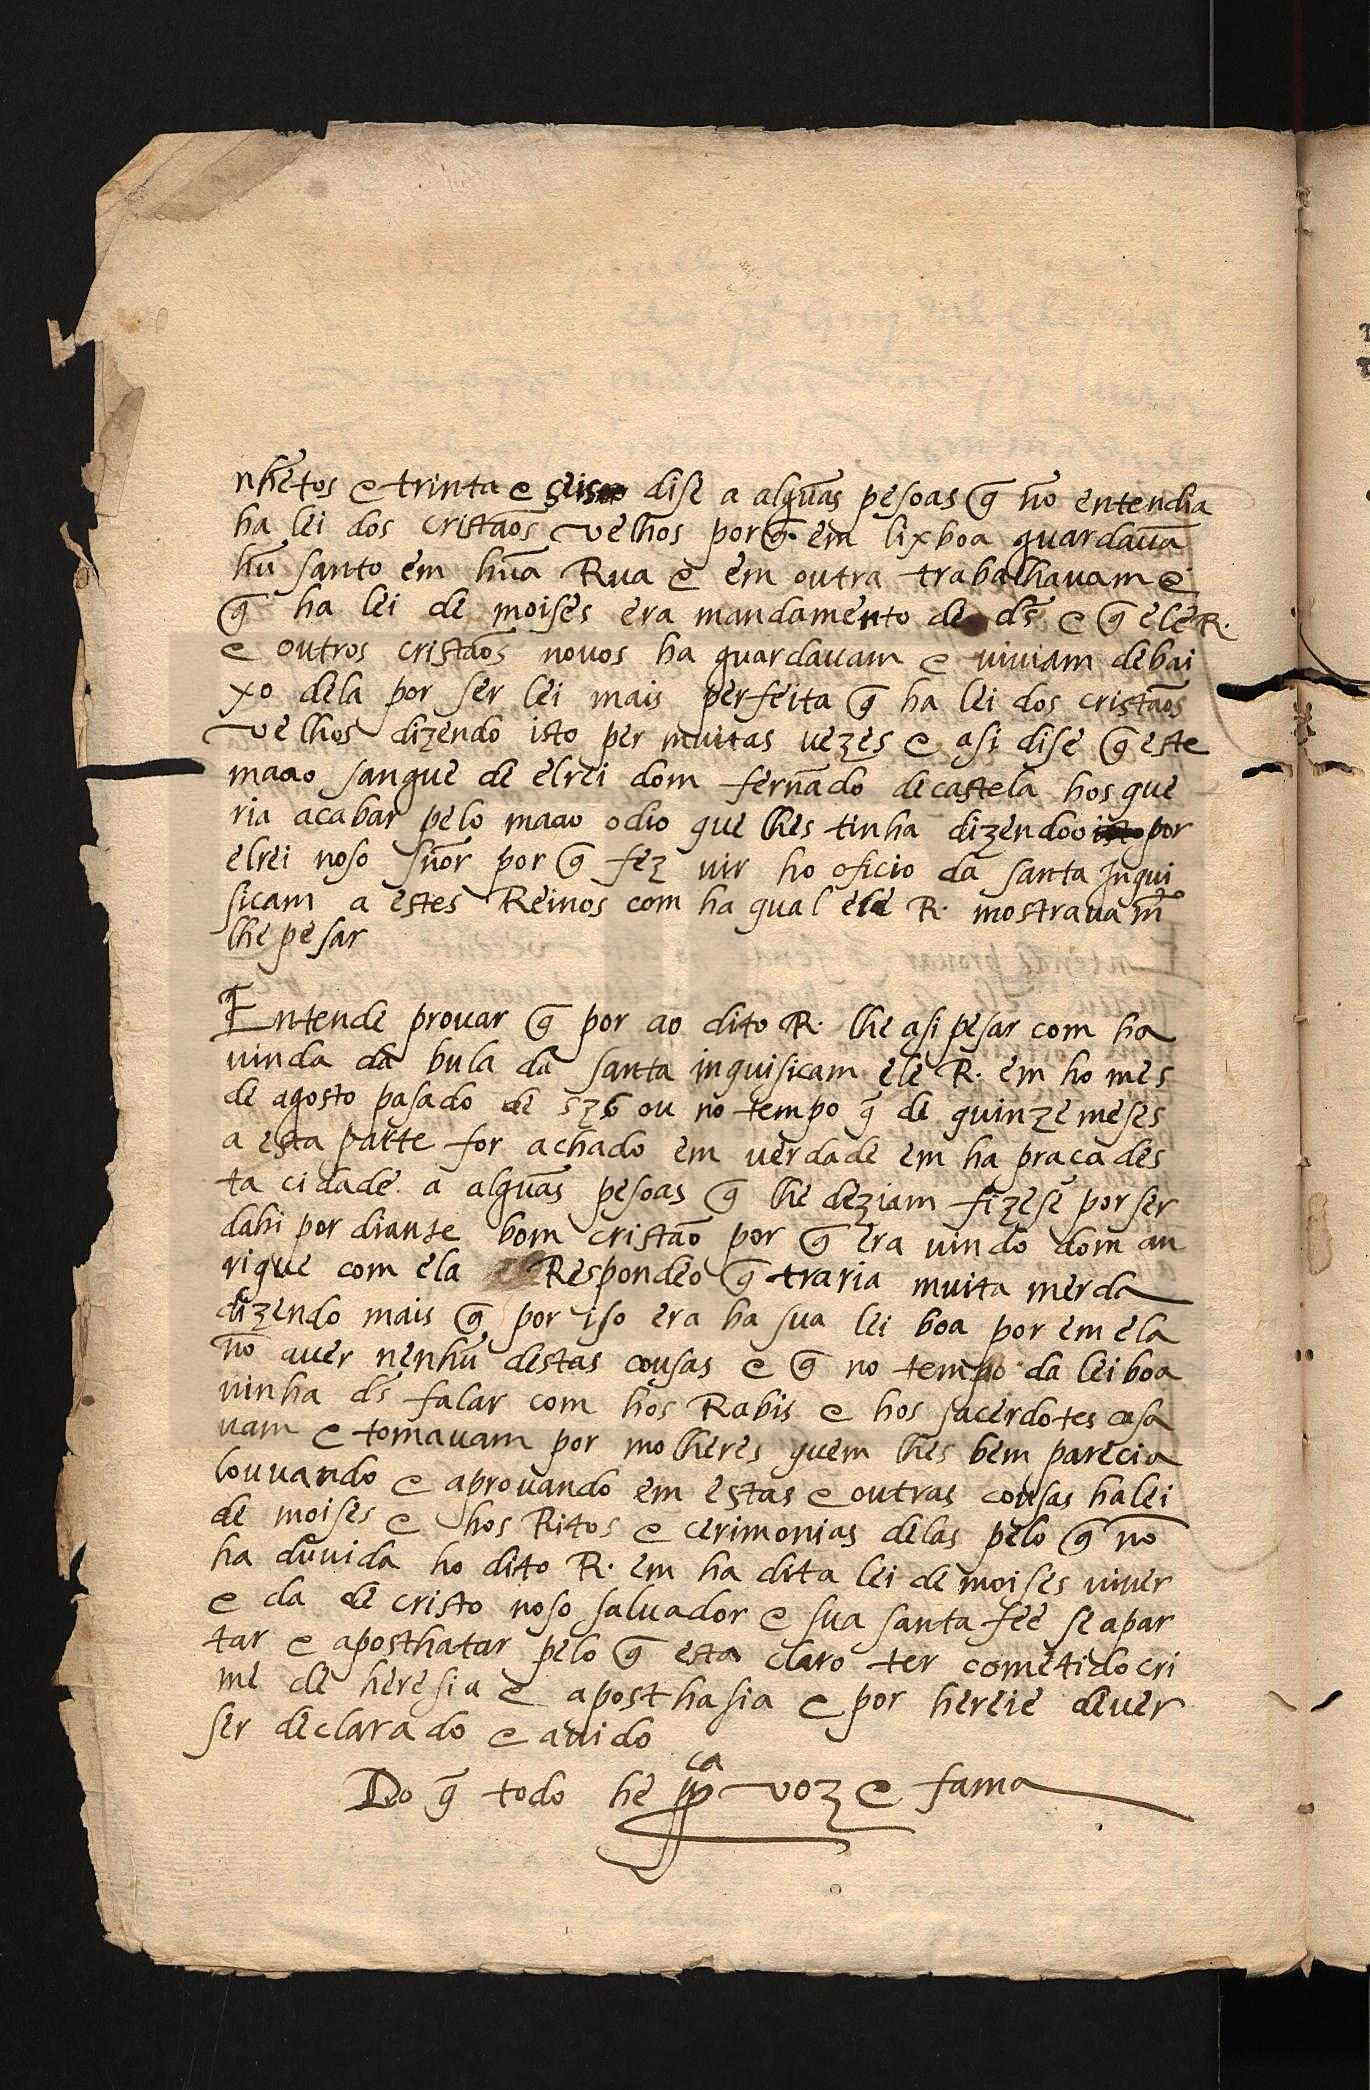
nhētos e trinta e seis dise a algūas pesoas q̄ nō entendia
ha lei dos cristãos velhos porq̄ em lixboa guardauā
hū santo em hūa Rua e em outra trabalhauam e
q̄ ha lei de moises era mandamento de ds̄ e q̄ ele R.
e outros cristãos nouos ha guardauam e uiuiam debai
xo dela por ser lei mais perfeita q̄ ha lei dos cristãos
velhos dizendo isto per muitas uezes e asi dise q̄ este
maao sangue de el rei dom fernādo de castela hos que
ria acabar pelo maao odio que lhes tinha dizendoo isto por
el rei noso snōr porq̄ fez uir ho oficio da santa Jnqui
siçam a estes Reinos com ha qual ele R. mostraua mto
lhe pesar
Entende prouar q̄ por ao dito R. lhe asi pesar com ha
uinda da bula da santa inquisiçam ele R. em ho mes
de agosto pasado de 536 ou no tempo q̄ de quinze meses
a esta parte for achado em uerdade em ha praça des
ta cidade a alguās pesoas q̄ lhe deziam fizese por ser
dahi por diante bom cristão porq̄ era uindo dom an
rique com ela Respondeo q̄ traria muita merda
dizendo mais q̄ por iso era ha sua lei boa por em ela
n̄o auer nenhū destas cousas e q̄ no tempo da lei boa
uinha ds̄ falar com hos Rabis e hos sacerdotes casa
uam e tomauam por molheres quem lhes bem parecia
louuando e aprouando em estas e outras cousas ha lei
de moises e os Ritos e cerimonias delas pelo q̄ nō
ha duuida ho dito R. em ha dita lei de moises uiuer
e da de cristo noso saluador e sua santa fee se apar
tar e aposthatar pelo q̄ esta claro ter cometido cri
me de heresia e aposthasia e por hereie deuer
ser declarado e auido
Do q̄ todo he ꝓpca voz e fama
